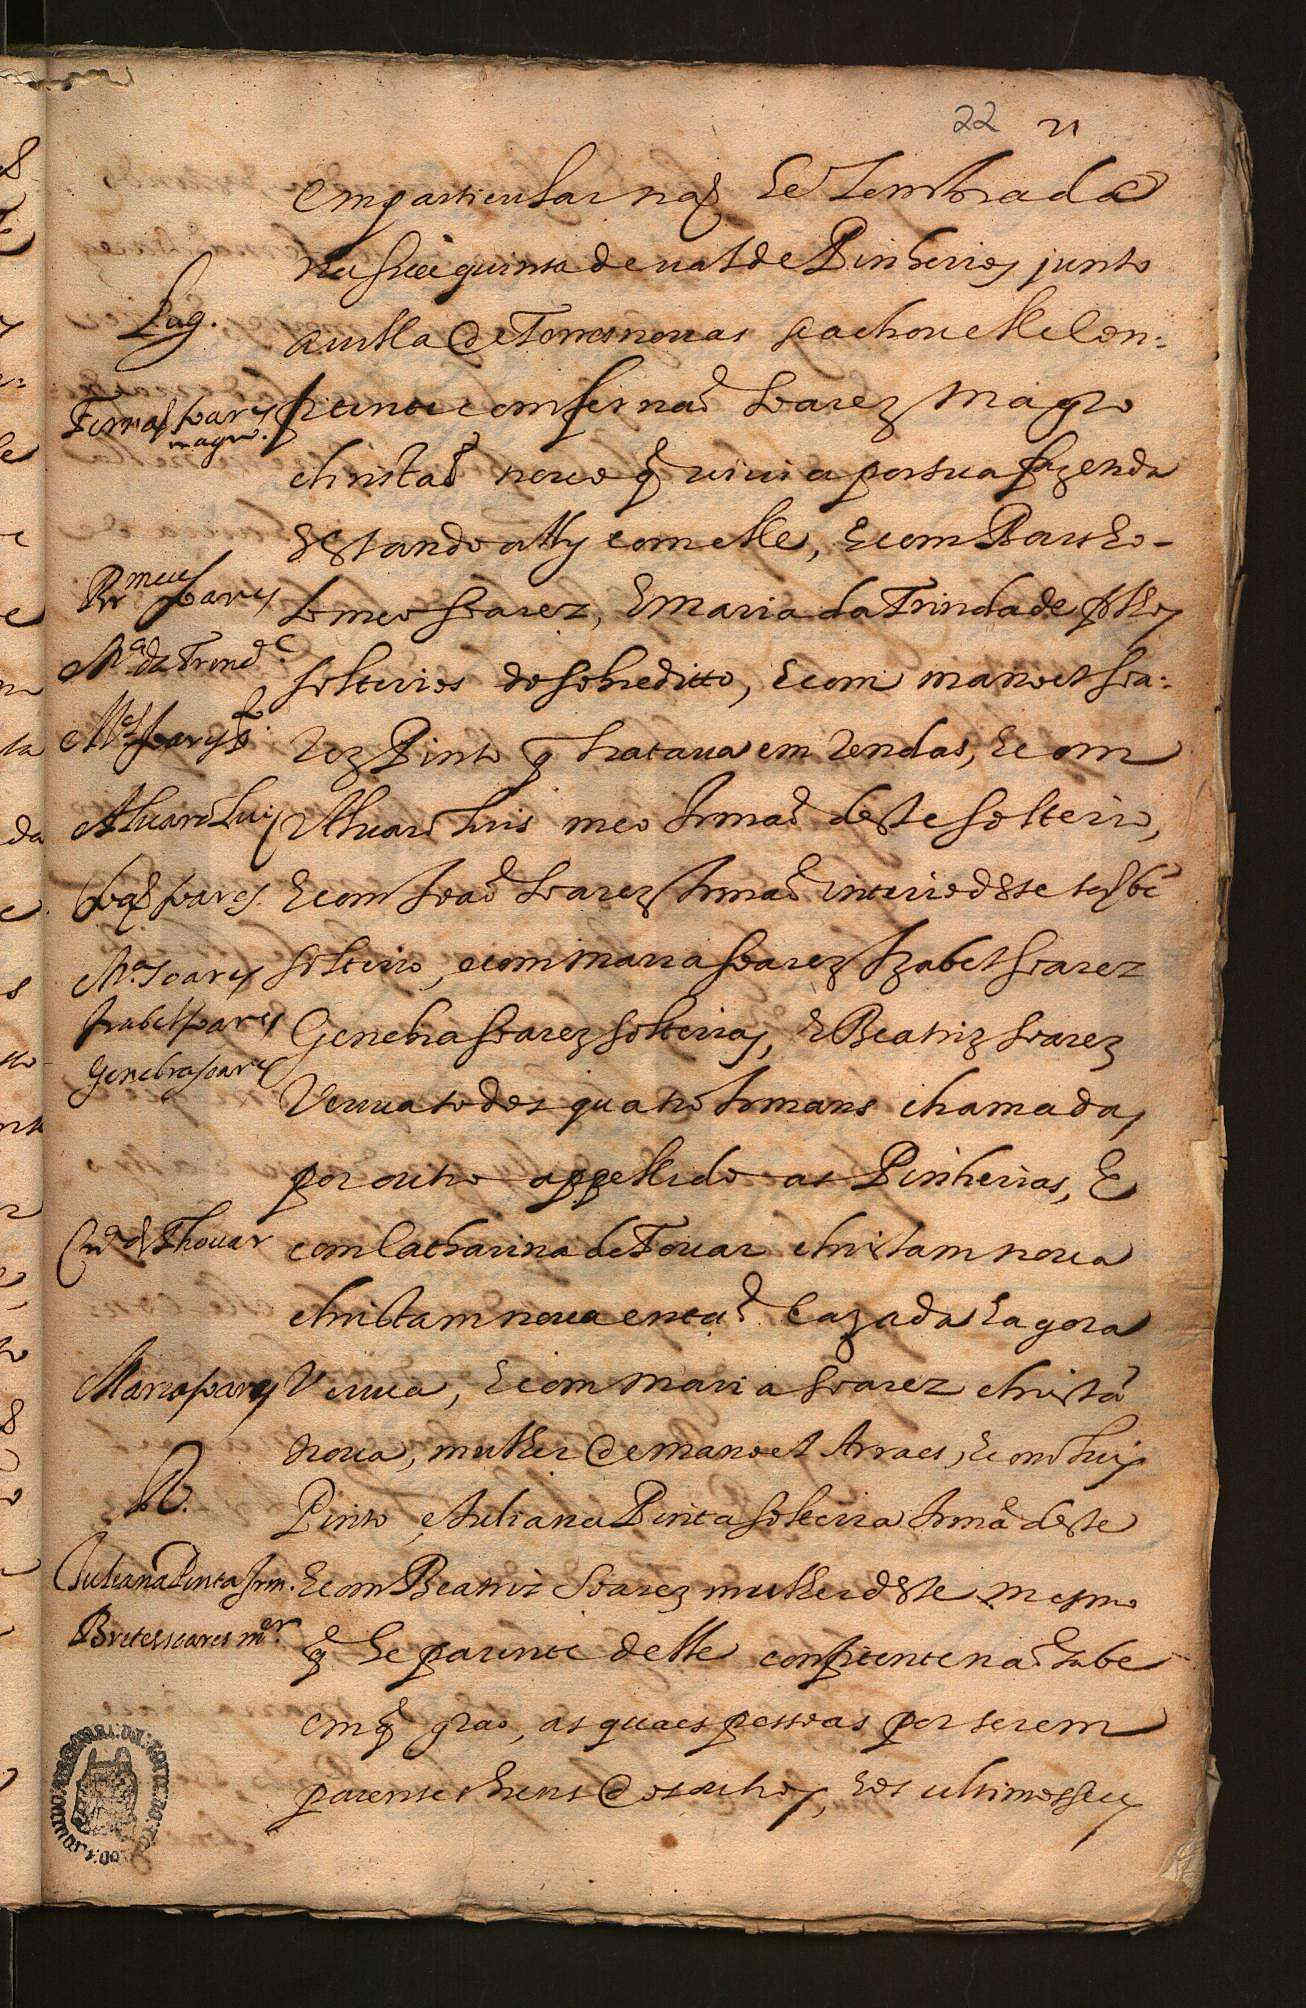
Lug.
Fernaõ soares
magro.
Brmeu Soares
M.a da Trinde.
Mel Soares pto.
Aluaro Luiz
Joaõ Soares
M.a Soares
Jzabel Soares
Genebra Soares
Cna d Thouar
Maria Soares
R.
Juleana Pinta Jrm.
Brites soares me.r
em particular naõ he lembrada
na sua quinta de ual de Pinheiros junto
a uilla de Torres nouas se achou elle con
fitente com fernaõ soarez magro
christaõ nouo q̄ uiuia por sua fazenda
Estando ally com elle, E com Bartho
lomeo Soarez, E maria da Trindade filhos
solteiros do sobreditto, E com manoel soa
rez Pinto q̄ trataua em rendas, E com
Aluaro Luis meo Jrmaõ deste solteiro,
E com Joaõ Soarez Irmaõ inteiro deste taõbē
solteiro, e com maria soarez Izabel Soarez
Genebra Soarez solteiras, E Beatriz Soarez
Viuua todos quatro Irmans chamadas
por outro appellido as Pinheiras, E
com Catharina de Touar christam noua
christam noua entaõ cazada E agora
Viuua, E com maria soarez christã
noua, mulher de manoel Arraes, E com Luis
Pinto, e Juliana Pinta solteira Irmã deste
E com Beatriz Soarez mulher deste mesmo
q̄ he parente delle confitente naõ sabe
em q̄ grao, as quaes pessoas por serem
parentes huns dos outros, E os ultimos seus
